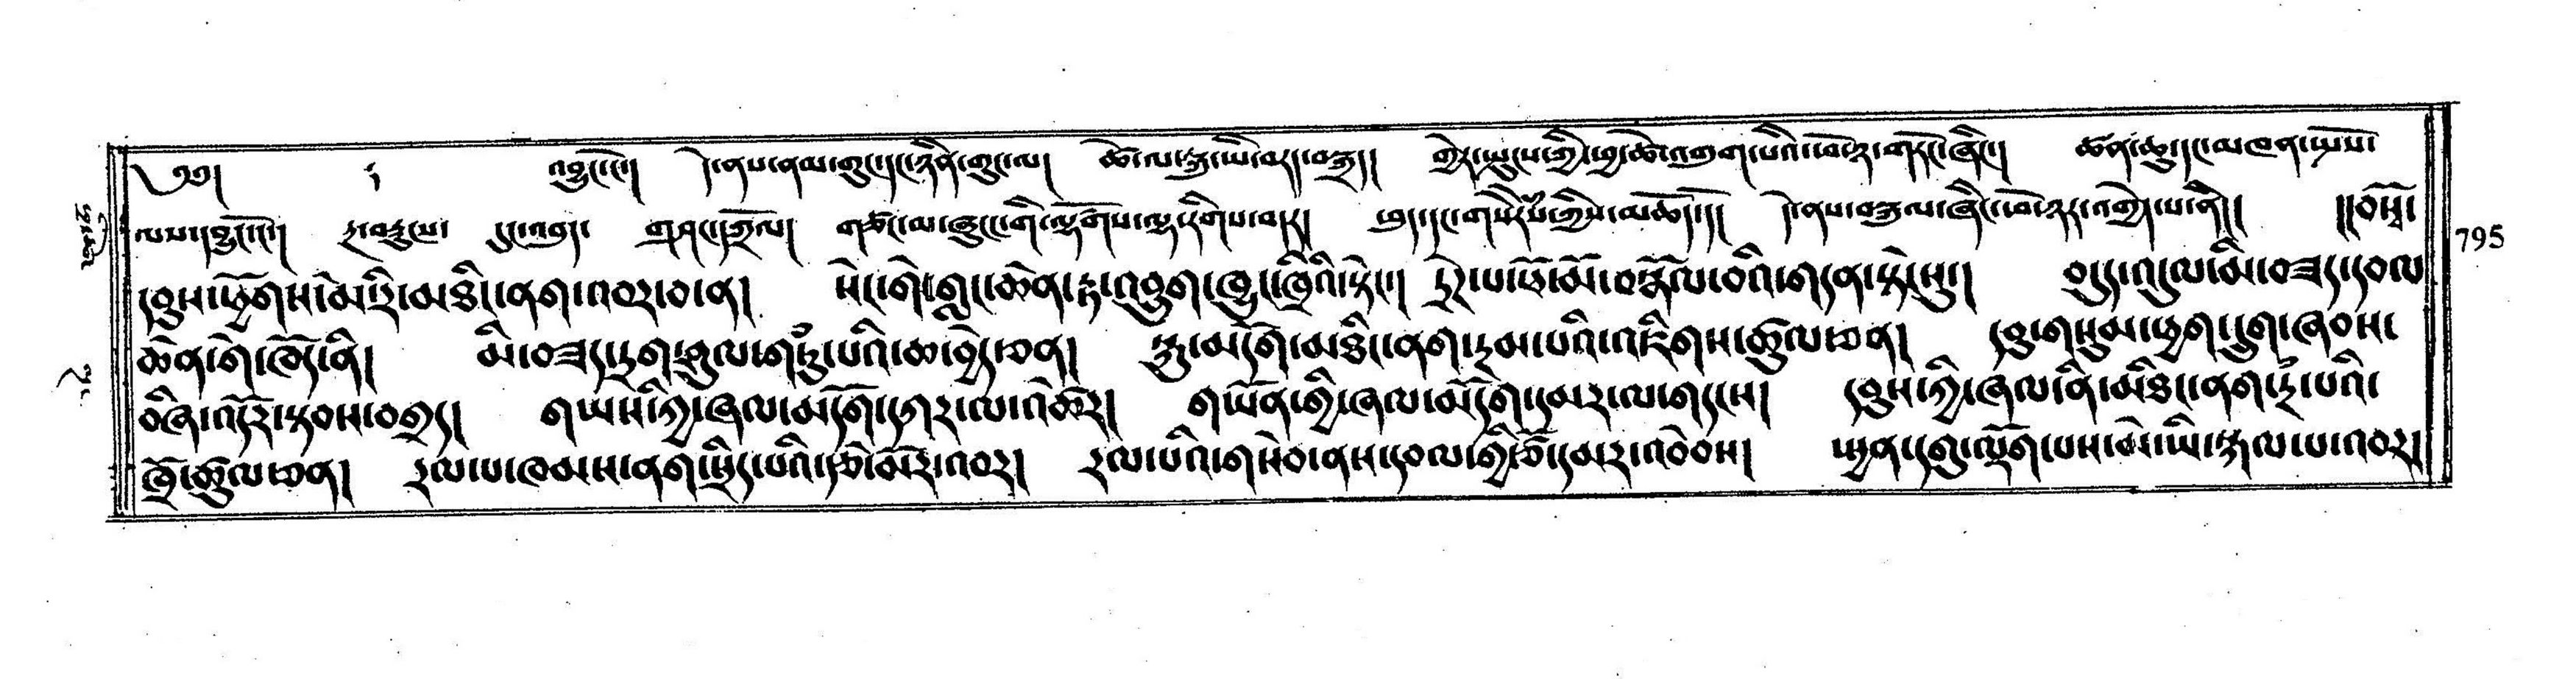འབྱུང་ངོ་། དེ་ནས་ནམ་གུང་དང་ཉིན་གུང་ལ། ཚེ་ལ་སྐུ་ཡི་བར་ཆད་བསྐྲད། གྱེར་སྤུངས་ཀྱི་ཕྱ་ཚེ་འགུག་པའི་ཕོ་ཉ་གཏོང་ཞིང་། ཚན་ཆུ་དང་མཁན་སྤོས་
ལས་དབྱུང་ངོ་། རྔ་བརྟུངས་དུང་འབུད་གཤང་དཀྲོལ། གཙང་མ་ཞང་ཞུང་གི་ལྷ་ཚོགས་ལྷ་རིགས་བདར། ཕུད་དང་གསེར་སྐྱེམས་ཀྱིས་མཆོད་དོ། དེ་ནས་བསྐུལ་ཞིང་ཕོ་ཉར་འགྱེད་པ་ནི།། །།བསྭོ་
དབུས་ཕྱོགས་མེ་རི་མཐིང་ནག་འབར་བ་ན། སེང་གེ་གླང་ཆེན་རྟ་འབྲུག་ཁྱུང་ཁྲིའི་སྟེང་། དྲེགས་པ་ཕོ་མོ་བསྣོལ་བའི་གདན་སྟེངས་སུ། བདུད་འདུལ་མི་བཟད་དབལ་
ཆེན་གེ་ཁོད་ནི། མི་བཟད་དྲག་ཤུལ་གཏུམ་པའི་ཆ་བྱེད་ཅན། སྐུ་མདོག་མཐིང་ནག་རྔམ་པའི་འཇིགས་ཚུལ་ཅན། དབུ་གསུམ་ཕྱག་དྲུག་ཞབས་
བཞི་འདོར་སྟབས་བགྲད། གཡས་ཀྱི་ཞལ་མདོག་དཀར་ལ་འཚེར། གཡོན་གྱི་ཞལ་མདོག་དམར་ལ་གདངས། དབུས་ཀྱི་ཞལ་ནི་མཐིང་ནག་རྔམ་པའི་
ཁྲོ་ཚུལ་ཅན། རལ་པ་ཁམས་ནག་སྲིད་པའི་རྩེ་མོར་འབར། རལ་པའི་གསེབ་ནས་དབལ་གྱི་ཙོ་དམར་འབེབས། སྤྱན་དགུ་ལྡོག་པས་མེ་ཡི་སྐལ་པ་འབར།